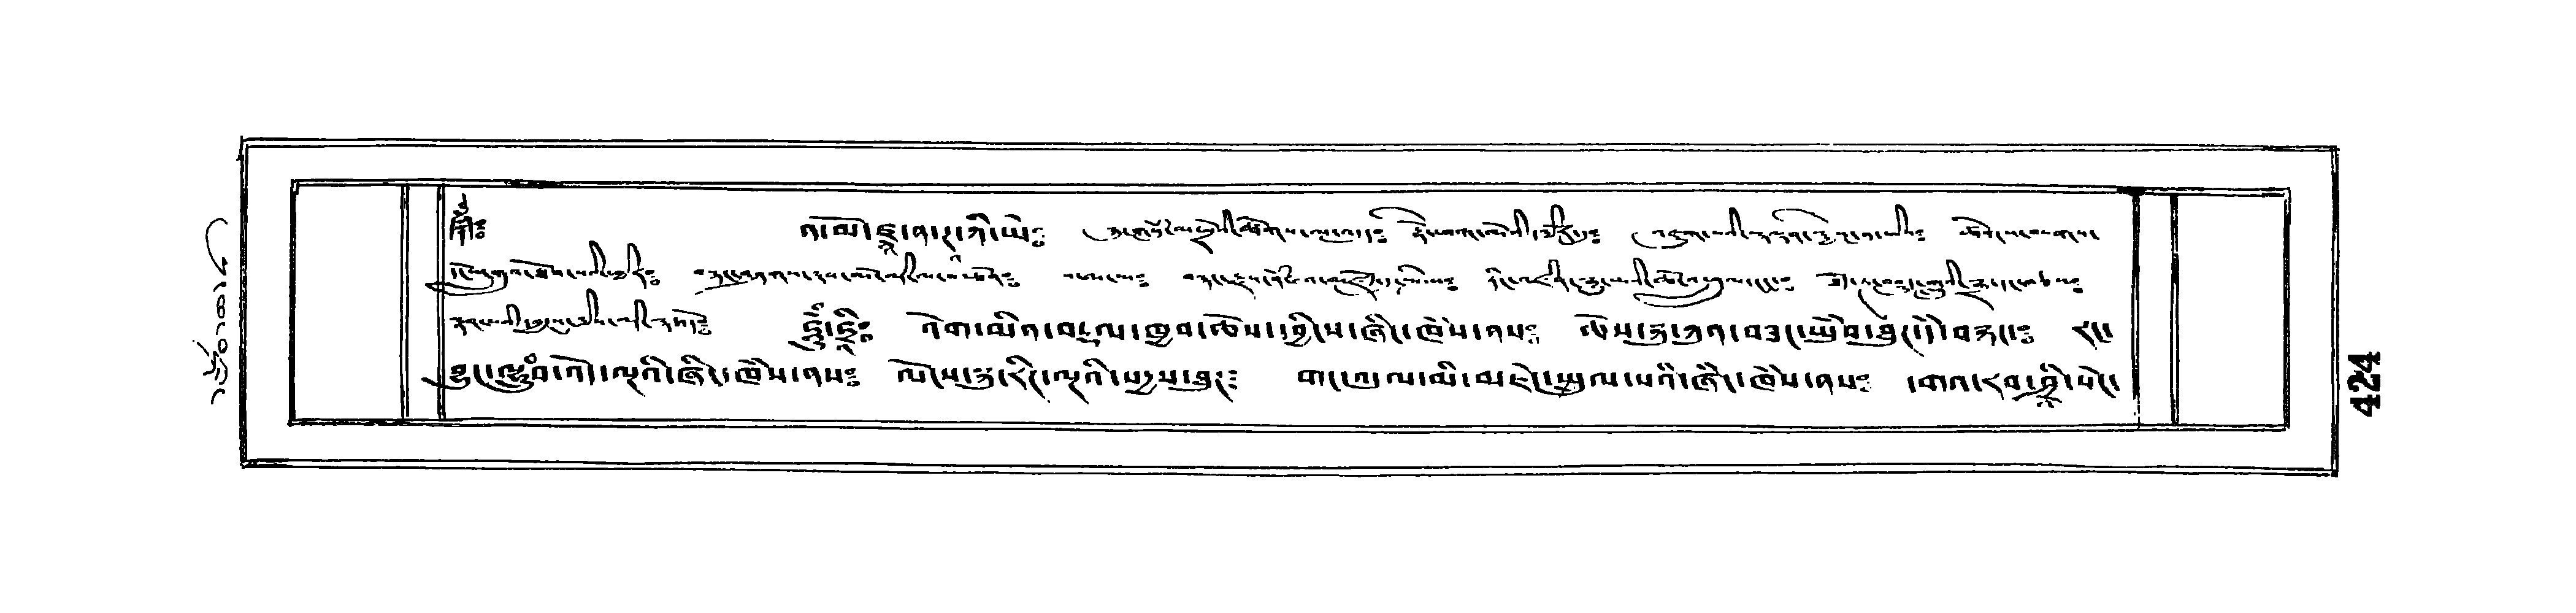ན་མོ་ཛྙཱ་ན་ཌཱ་ཀི་ཡེ༔ སྐུ་གསུམ་མཁའ་འགྲོའི་ཚོགས་ལ་འདུད༔ རྡོ་རྗེ་ཕག་མོའི་དཀྱིལ་འཁོར་དུ༔ འཇུག་པའི་སྐལ་ལྡན་སྐྱེས་བུ་ཡིས༔ ཚོགས་བསགས་
དངོས་གྲུབ་ཐོབ་པའི་ཕྱིར༔ བསྐང་བཤགས་ཟབ་མོ་འདི་ལ་བརྩོན༔ ས་མ་ཡ༔ བསྐང་རྫས་ནམ་མཁའ་མཛོད་དུ་སྤེལ༔ ཏིང་འཛིན་སྒྱུ་མའི་ཆོ་འཕྲུལ་ངང༔ ཐོད་རྔ་བཤུག་གླུའི་སྒྲ་དང་བཅས༔ 
སྙན་པའི་དབྱངས་ཀྱིས་འདི་སྐད་དོ༔ ཧཱུྃ་ཧྲཱིཿ འོག་མིན་བརྡལ་ཁྱབ་ཆོས་དབྱིངས་ཞིང་ཁམས་ནས༔ ཆོས་སྐུ་ཀུན་བཟང་ཡབ་ཡུམ་ཐུགས་དམ་བསྐང༔ རང་
བྱུང་ལྷུན་གྲུབ་འོད་ལྔའི་ཞིང་ཁམས་ནས༔ ལོངས་སྐུ་རིགས་ལྔའི་སངས་རྒྱས་ཐུགས༴ གང་འདུལ་མི་མཇེད་སྤྲུལ་པའི་ཞིང་ཁམས་ནས༔ དགའ་རབ་ཤྲཱི་སེང་